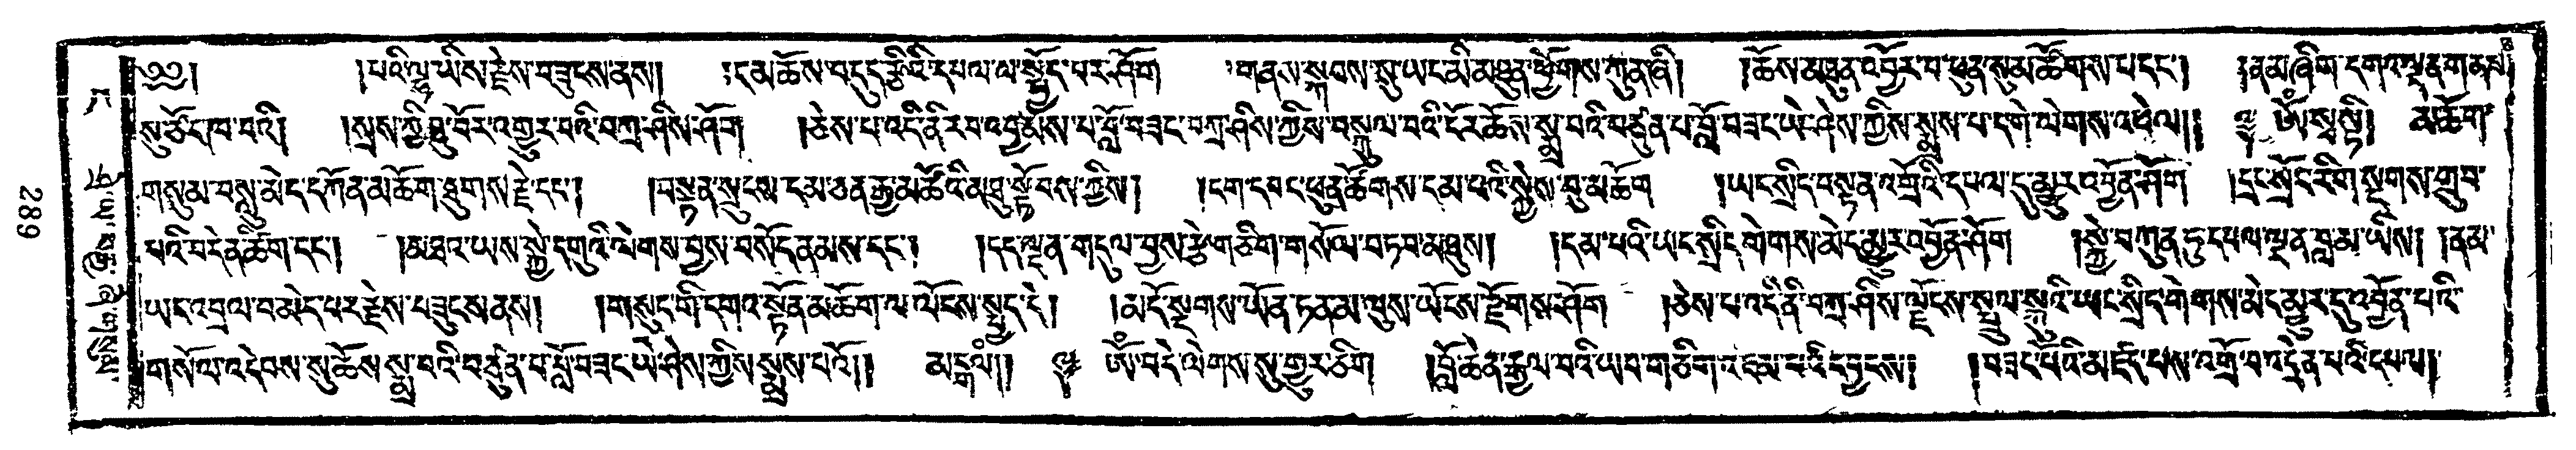༄༅། །པའི་ལྷ་ཡིས་རྗེས་བཟུངས་ནས། །དམ་ཆོས་བདུད་རྩིའི་དཔལ་ལ་སྤྱོད་པར་ཤོག །གནས་སྐབས་སུ་ཡང་མི་མཐུན་ཕྱོགས་ཀུན་ཞི། །ཆོས་མཐུན་འབྱོར་པ་ཕུན་སུམ་ཚོགས་པ་དང་། །ནམ་ཞིག་དགའ་ལྡན་གནས་
སུ་ཙོང་ཁ་བའི། །སྲས་ཀྱི་ཐུ་བོར་འགྱུར་བའི་བཀྲ་ཤིས་ཤོག །ཅེས་པ་འདི་ནི་རབ་འབྱམས་པ་བློ་བཟང་བཀྲ་ཤིས་ཀྱིས་བསྐུལ་བའི་ངོར་ཆོས་སྨྲ་བའི་བཙུན་པ་བློ་བཟང་ཡེ་ཤེས་ཀྱིས་སྨྲས་པ་དགེ་ལེགས་འཕེལ།། ༈ ཨོཾ་སྭ་སྟི། མཆོག་
གསུམ་བསླུ་མེད་དཀོན་མཆོག་ཐུགས་རྗེ་དང་། །བསྟན་སྲུངས་དམ་ཅན་རྒྱ་མཚོའི་མཐུ་སྟོབས་ཀྱིས། །ངག་དབང་ཕུན་ཚོགས་དམ་པའི་སྐྱེས་བུ་མཆོག །ཡང་སྲིད་བསྟན་འགྲོའི་དཔལ་དུ་མྱུར་འབྱོན་ཤོག །དྲང་སྲོང་རིག་སྔགས་གྲུབ་
པའི་བདེན་ཚིག་དང་། །མཐའ་ཡས་སྐྱེ་དགུའི་ལེགས་བྱས་བསོད་ནམས་དང་། །དད་ལྡན་གདུལ་བྱས་རྩེ་གཅིག་གསོལ་བཏབ་མཐུས། །དམ་པའི་ཡང་སྲིད་གེགས་མེད་མྱུར་འབྱོན་ཤོག །སྐྱེ་བ་ཀུན་ཏུ་དཔལ་ལྡན་བླ་མ་ཡིས། །ནམ་
ཡང་འབྲལ་བ་མེད་པར་རྗེས་བཟུངས་ནས། །གསུང་གི་དགའ་སྟོན་མཆོག་ལ་ལོངས་སྤྱོད་དེ། །མདོ་སྔགས་ཡོན་ཏན་མ་ལུས་ཡོངས་རྫོགས་ཤོག །ཅེས་པ་འདི་ནི་བཀྲ་ཤིས་ལྗོངས་སྤྲུལ་སྐུའི་ཡང་སྲིད་གེགས་མེད་མྱུར་དུ་འབྱོན་པའི་
གསོལ་འདེབས་སུ་ཆོས་སྨྲ་བའི་བཙུན་པ་བློ་བཟང་ཡེ་ཤེས་ཀྱིས་སྨྲས་པའོ།། མངྒལཾ།། ༈ ཨོཾ་བདེ་ལེགས་སུ་གྱུར་ཅིག །བློ་ཆེན་རྒྱལ་བའི་ཡབ་གཅིག་འཇམ་པའི་དབྱངས། །བཟང་པོའི་མཛད་པས་འགྲོ་བ་འདྲེན་པའི་དཔལ།